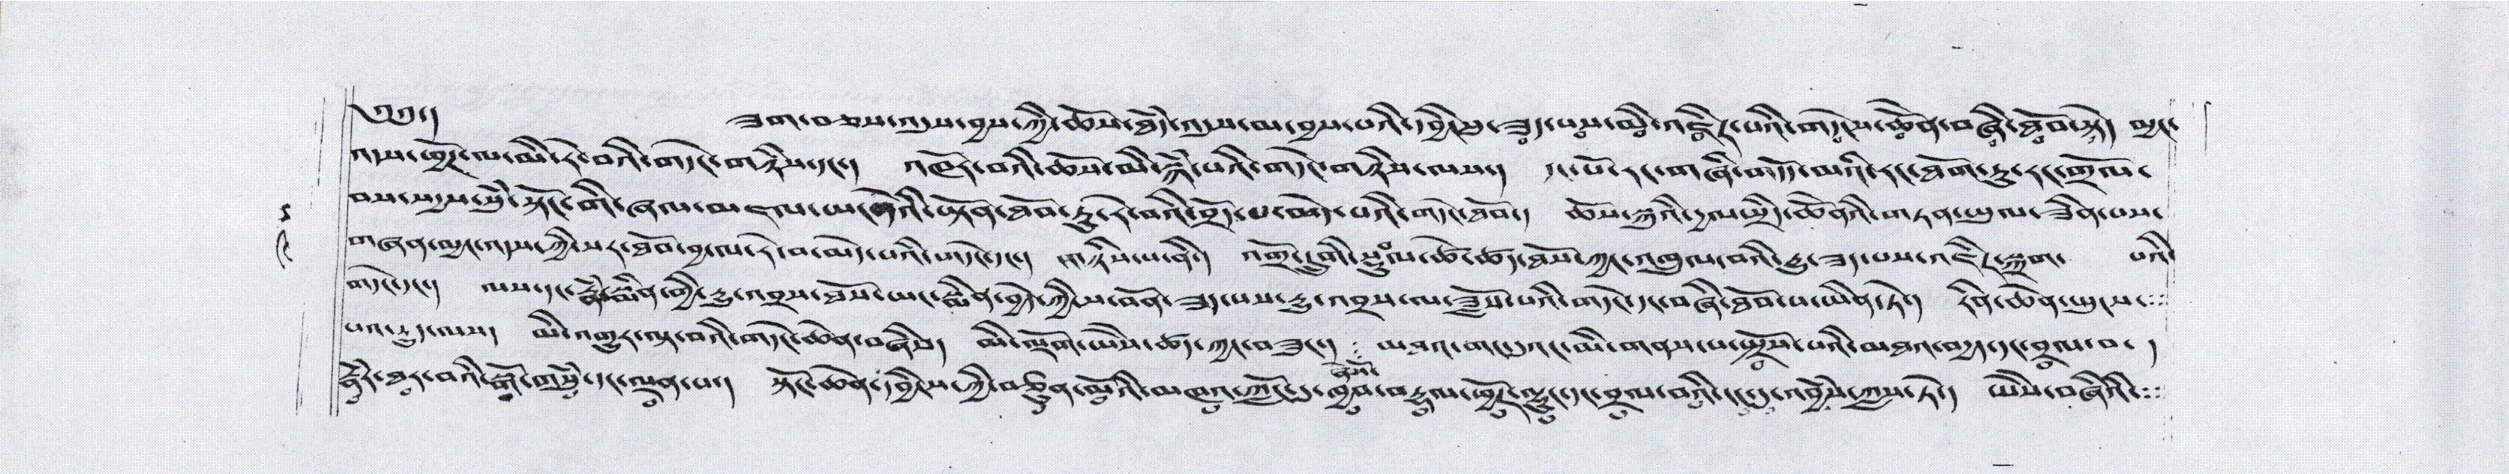ཟག་བཅས་འདུས་བྱས་ཀྱི་ཆོས་ཐམས་ཅད་འདུས་མ་བྱས་པའི་དབྱིངས་སུ་ཟད་པས་མི་འཇིགས་པའི་གདེངས་ཆེན་པོ་བཞི་ཐོབ་སྟེ། མྱང་
འདས་ཕྱོགས་ལ་མི་རེ་བའི་གདེངས་གཉིས་དང་། འཁོར་བའི་ཆོས་མི་སྐམ་པའི་གདེང་གཉིས་ལས། དང་པོ་རང་བཞིན་གདོད་མའི་རང་ཐོག་ཏུ་རང་གྲོལ་
བས་སངས་རྒྱས་སུམ་སྟོང་གི་ཞལ་མཇལ་ཡང་དེའི་ཡོན་ཏན་ཐོབ་ཏུ་རེ་བའི་བྲོད་པ་མེད་པའི་གདེང་ཐོབ། ཆོས་སྐུའི་རྒྱལ་སྲིད་ཆེན་པོའི་གཏན་ཡུལ་ཟིན་པས་
གཞན་མྱང་འདས་ཀྱི་སར་ཐོབ་བྱ་བ་ལ་རེ་བ་མེད་པའི་གདེང་དང་། གཉིས་པ་ནི་འགྲོ་དྲུག་གི་སྡུག་བསྔལ་ཚེ་ཚད་ཐོས་ཀྱང་འཁྲུལ་པའི་རྒྱུ་ཟད་པས་འཇིགས་སྐྲག་པའི་
གདེང་དང་། ལས་དང་རྣམ་སྨིན་གྱི་རྒྱུ་འབྲས་ཐོས་ཀྱང་སྨིན་བྱེད་ཀྱི་ས་བོན་ཟད་པས། རྒྱུ་འབྲས་ལ་ཟློས་པའི་གདེང་དང་བཞི་ཐོབ་པ་ཡིན་པས། རིན་ཆེན་སྤུངས་
པའི་རྒྱུད་ལས། མི་འགྱུར་ལྟ་བའི་གདེང་ཆེན་བཞིས། མི་ལྡོག་ཡེ་ཤེས་ཚད་ཀྱང་བཟུང་། ཞེས་སོ། མཐའ་གང་དུའང་མི་གནས་པ་སྤྲོས་པའི་མཐའ་བརྒྱད་དང་བྲལ་བ། 
རྣམ་པར་ཐར་པའི་སྒོ་གསུམ་དང་ལྡན་པ། སྟོང་ཆེན་དབྱིངས་ཀྱི་བཙུན་མོའི་མཁའ་ཀློང་དུ། ཁྱབ་བརྡལ་ཕྱོགས་ལྷུང་དང་བྲལ་བའི་ངང་དུ་འབྱམས་ཀླས་ཏེ། ཡེ་ཤེས་བཞིའི་